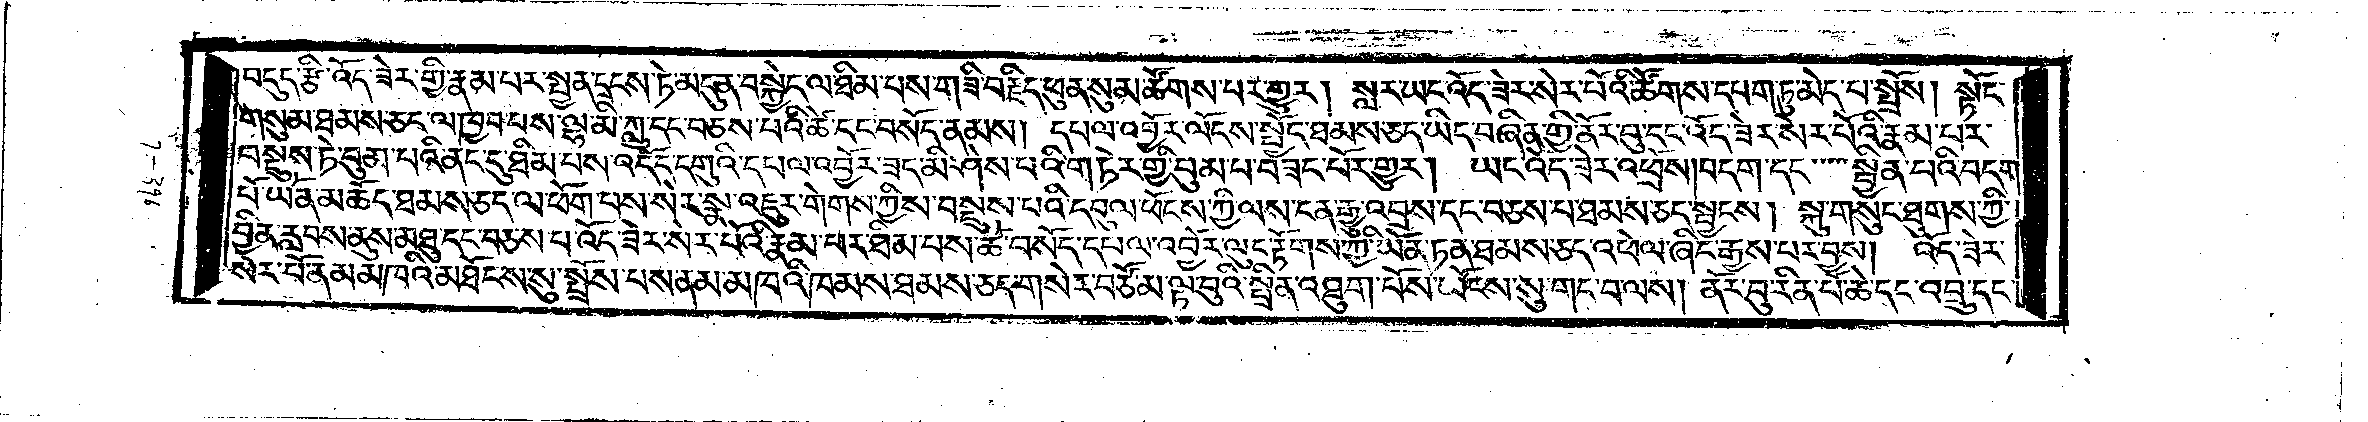བདུད་རྩི་འོད་ཟེར་གྱི་རྣམ་པར་སྤྱན་དྲངས་ཏེ་མདུན་བསྐྱེད་ལ་ཐིམ་པས་གཟི་བརྗིད་ཕུན་སུམ་ཚོགས་པར་གྱུར། སླར་ཡང་འོད་ཟེར་སེར་པོའི་ཚོགས་དཔག་ཏུ་མེད་པ་སྤྲོས། སྟོང་
གསུམ་ཐམས་ཅད་ལ་ཁྱབ་པས་ལྷ་མི་ཀླུ་དང་བཅས་པའི་ཚེ་དང་བསོད་ནམས། དཔལ་འབྱོར་ལོངས་སྤྱོད་ཐམས་ཅད་ཡིད་བཞིན་གྱི་ནོར་བུ་དང་འོད་ཟེར་སེར་པོའི་རྣམ་པར་
བསྡུས་ཏེ་བུམ་པའི་ནང་དུ་ཐིམ་པས་འདོད་དགུའི་དཔལ་འབྱོར་ཟད་མི་ཤེས་པའི་གཏེར་གྱི་བུམ་པ་བཟང་པོར་གྱུར། ཡང་འོད་ཟེར་འཕྲོས། བདག་དང་སྦྱིན་པའི་བདག་
པོ་ཡོན་མཚོད་ཐམས་ཅད་ལ་ཕོག་པས་སེར་སྣ་འཇུར་གེགས་ཀྱིས་བསྡུས་པའི་དབུལ་ཕོངས་ཀྱི་ལས་ངན་རྒྱུ་འབྲས་དང་བཅས་པ་ཐམས་ཅད་སྦྱངས། སྐུ་གསུང་ཐུགས་ཀྱི་
བྱིན་རླབས་ནུས་མཐུ་དང་བཅས་པ་འོད་ཟེར་སེར་པའི་རྣམ་པར་ཐིམ་པས་ཚེ་བསོད་དཔལ་འབྱོར་ལུང་རྟོགས་ཀྱི་ཡོན་ཏན་ཐམས་ཅད་འཕེལ་ཞིང་རྒྱས་པར་བྱས། འོད་ཟེར་
སེར་པོ་ནམ་མཁའི་མཐོངས་སུ་སྤྲོས་པས་ནམ་མཁའི་ཁམས་ཐམས་ཅད་གསེར་བཙོམ་ལྟ་བུའི་སྤྲིན་འཐུག་པོས་ཡོངས་སུ་གང་བ་ལས། ནོར་བུ་རིན་པོ་ཆེ་དང་འབྲུ་དང་